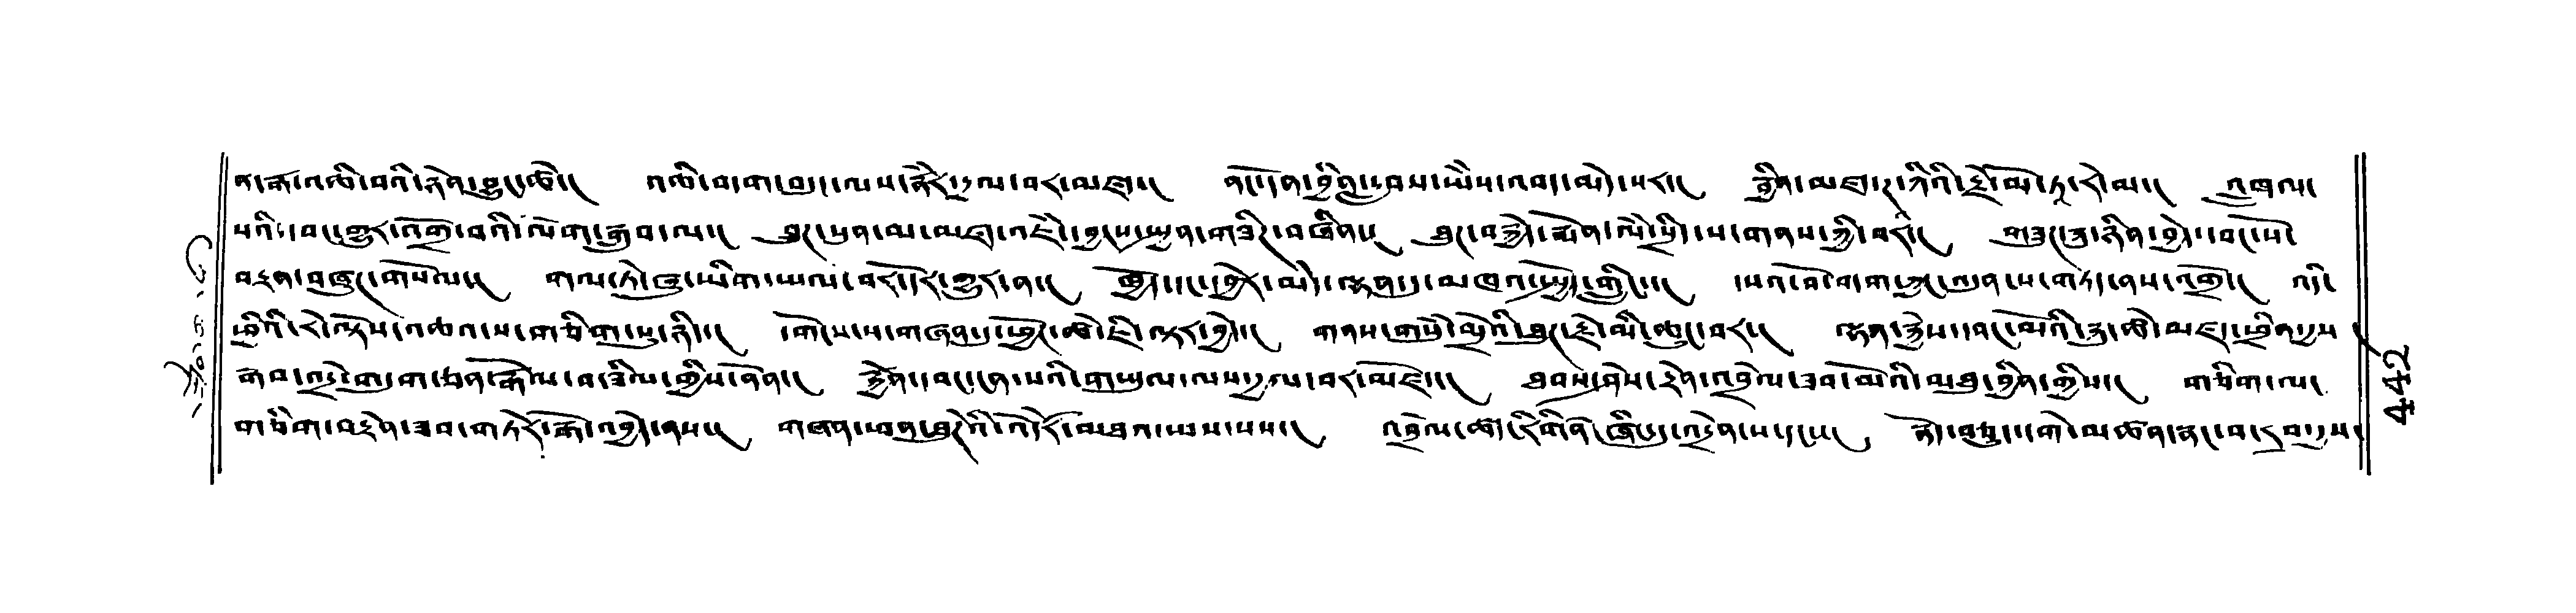ན་རྒ་འཆི་བའི་ཉོན་བྱུང་ཚེ། །འཆི་བདག་བདུད་ལས་རྣམ་པར་རྒྱལ་བར་མཛད། །ནང་དོན་བྱིན་རླབས་ཡེ་ཤེས་འབད་མེད་པར། །སྦྱིན་མཛད་ཌཱ་ཀིའི་རྗེ་མོ་ཏཱ་རེ་མ། །འཁྲུལ་
པའི་དབང་གྱུར་འགྲོ་བའི་ལོག་སྒྲུབ་ལ། །ཐུགས་སུན་མ་མཛད་འཇམ་དབྱངས་སྤྱན་གཟིགས་བཞིན། །ཐུགས་བསྐྱེད་སྨོན་ལམ་སྲིད་པ་གནས་ཀྱི་བར། །གཟུགས་སྐུ་ཉིན་བྱེད་དབང་པོ་
བརྟན་བཞུགས་གསོལ། །གལ་ཏེ་ཞུ་ཡིག་ཡལ་བར་དོར་གྱུར་ན། ཁྱོད་དང་དབྱེར་མེད་ལྷན་དུ་མཁའ་སྤྱོད་གླིང་། །དཔའ་བོ་བདག་ཀྱང་འདུན་པ་གཏད་ནས་འགྲོ། །འདི་
ཕྱིའི་རེ་ལྟོས་འཆའ་ས་གཅིག་པུ་ཉིད། །དགོངས་པ་གཞན་དུ་ཕྱོགས་ཚེ་ཇི་ལྟར་བྱེད། །གནས་གསུམ་མཁའ་འགྲོའི་ཐུགས་རྗེ་མི་ཆུང་བར། །ལྷན་སྐྱེས་དབང་མོའི་སྐུ་ཚེ་མཛད་ཕྲིན་རྒྱས། །
སྒབ་འདྲེ་གདུག་ཅན་རྒོལ་བ་ཟིལ་གྱིས་ནོན། །རྐྱེན་དབང་ངན་པའི་གཡུལ་ལས་རྒྱལ་བར་མཛོད། །ཐབས་ཤེས་རྟེན་འབྲེལ་ཟབ་མོའི་མཐུ་བྱིན་གྱིས། །གཅིག་ལ་
གཅིག་བརྟེན་ཟབ་གཏེར་སྒོ་འབྱེད་ནས། །གཞན་ཕན་ཐུགས་རྗེའི་འོད་ཟེར་མཐའ་ཕས་པས། །འབྲེལ་ཚད་རིག་འཛིན་ཞིང་དུ་འདྲེན་པ་དང་། །སྣོད་བཅུད་དགེ་མཚན་སྣང་བ་རབ་རྒྱས་